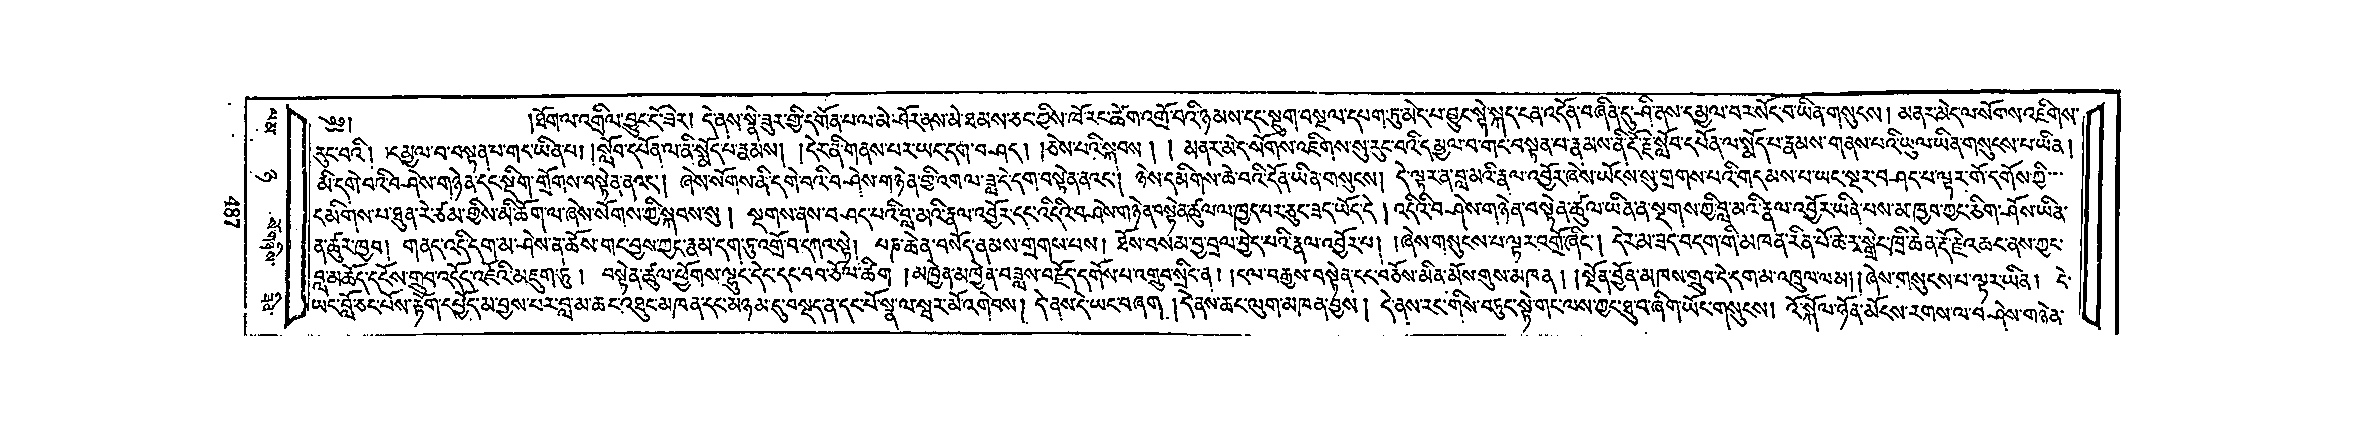༄༅། །ཐོག་ལ་འགྲིལ་བྱུང་ངོ་ཟེར། དེ་ནས་སྣེ་ཟུར་གྱི་དགོན་པ་ལ་མེ་ཤོར་ནས་མེ་ཐམས་ཅད་ཀྱིས་ཁོ་རང་ཚེག་འགྲོ་བའི་ཉམས་དང་སྡུག་བསྔལ་དཔག་ཏུ་མེད་པ་བྱུང་སྟེ་སྐད་ངན་འདོན་བཞིན་དུ་ཤི་ནས་དམྱལ་བར་སོང་བ་ཡིན་གསུངས། མནར་མེད་ལ་སོགས་འཇིགས་
རུང་བའི། །དམྱལ་བ་བསྟན་པ་གང་ཡིན་པ། །སློབ་དཔོན་ལ་ནི་སྨོད་པ་རྣམས། །དེར་ནི་གནས་པར་ཡང་དག་བཤད། །ཅེས་པའི་སྐབས། །མནར་མེད་སོགས་འཇིགས་སུ་རུང་བའི་དམྱལ་བ་གང་བསྟན་པ་རྣམས་ནི་རྡོ་རྗེ་སློབ་དཔོན་ལ་སྨོད་པ་རྣམས་གནས་པའི་ཡུལ་ཡིན་གསུངས་པ་ཡིན།
མི་དགེ་བའི་བཤེས་གཉེན་དང་སྡིག་གྲོགས་བསྟེན་ནའང་། ཞེས་སོགས་ནི་དགེ་བའི་བཤེས་གཉེན་གྱི་འགལ་ཟླ་དེ་དག་བསྟེན་ནའང་། ཉེས་དམིགས་ཆེ་བའི་དོན་ཡིན་གསུངས། དེ་ལྟར་ན་བླ་མའི་རྣལ་འབྱོར་ཞེས་ཡོངས་སུ་གྲགས་པའི་གདམས་པ་ཡང་སྔར་བཤད་པ་ལྟར་གོ་དགོས་ཀྱི་
དམིགས་པ་ཐུན་རེ་ཙམ་གྱིས་མི་ཆོག་ལ་ཞེས་སོགས་ཀྱི་སྐབས་སུ། སྔགས་ནས་བཤད་པའི་བླ་མའི་རྣལ་འབྱོར་དང་འདིའི་བཤེས་གཉེན་བསྟེན་ཚུལ་ལ་ཁྱད་པར་ཅུང་ཟད་ཡོད་དེ། འདིའི་བཤེས་གཉེན་བསྟེན་ཚུལ་ཡིན་ན་སྔགས་ཀྱི་བླ་མའི་རྣལ་འབྱོར་ཡིན་པས་མ་ཁྱབ་ཀྱང་ཅིག་ཤོས་ཡིན་
ན་ཚུར་ཁྱབ། གནད་འདི་དག་མ་ཤེས་ན་ཆོས་གང་བྱས་ཀྱང་རྣམ་དག་ཏུ་འགྲོ་བ་དཀའ་སྟེ། པཎ་ཆེན་བསོད་ནམས་གྲགས་པས། ཐོས་བསམ་བྱ་བྲལ་བྱེད་པའི་རྣལ་འབྱོར་པ། །ཞེས་གསུངས་པ་ལྟར་འགྲོ་ཞིང་། དེར་མ་ཟད་བདག་གི་མཁན་རིན་པོ་ཆེ་རྭ་སྒྲེང་ཁྲི་ཆེན་རྡོ་རྗེ་འཆང་ནས་ཀྱང་
བླ་མཆོད་དངོས་གྲུབ་འདོད་འཇོའི་མཇུག་ཏུ། བསྟེན་ཚུལ་ཕྱོགས་ལྷུང་དེང་དང་བབ་ཅོལ་ཚིག །མཁྱེན་མཁྱེན་བཟླས་བརྗོད་དགོས་པ་འགྲུབ་སྲིང་ན། །དལ་བརྒྱས་བསྟེན་དང་བཅོས་མིན་མོས་གུས་མཁན། །སྔོན་བྱོན་མཁས་གྲུབ་དེ་དག་མ་འཁྲུལ་ལམ། །ཞེས་གསུངས་པ་ལྟར་ཡིན། དེ་
ཡང་བློ་ཅང་པོས་རྟོག་དཔྱོད་མ་བྱས་པར་བླ་མ་ཆང་འཐུང་མཁན་དང་མཉམ་དུ་བསྡད་ན་དང་པོ་སྣ་ལ་སྦར་མོ་འགེབས། དེ་ནས་དེ་ཡང་བཞག །དེ་ནས་ཆང་ལུག་མཁན་བྱས། དེ་ནས་རང་གིས་བཏུང་སྟེ་གང་ལས་ཀྱང་ཐུ་བ་ཞིག་ཡོང་གསུངས། འོ་སྐོལ་ཉོན་མོངས་རགས་ལ་བཤེས་གཉེན་